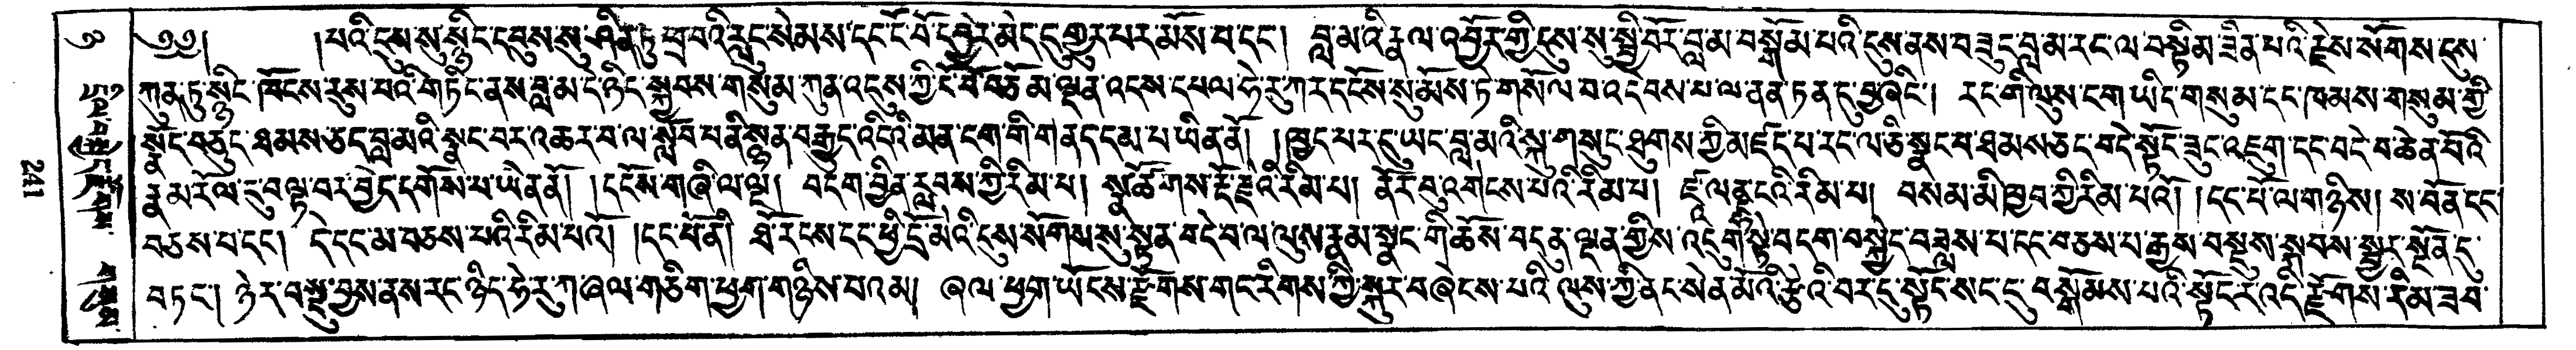༄༅། །པའི་དུས་སུ་སྙིང་དབུས་སུ་ཤིན་ཏུ་ཕྲ་བའི་རླུང་སེམས་དང་ངོ་བོ་དབྱེར་མེད་དུ་གྱུར་པར་མོས་པ་དང་། བླ་མའི་རྣལ་འབྱོར་གྱི་དུས་སུ་སྤྱི་བོར་བླ་མ་བསྒོམ་པའི་དུས་ནས་བཟུང་བླ་མ་རང་ལ་བསྟིམ་ཟིན་པའི་རྗེས་སོགས་དུས་
ཀུན་ཏུ་སྙིང་ཁོངས་རུས་པའི་གཏིང་ནས་བླ་མ་དེ་ཉིད་སྐྱབས་གསུམ་ཀུན་འདུས་ཀྱི་ངོ་བོ་བཅོམ་ལྡན་འདས་དཔལ་ཧེ་རུ་ཀར་དངོས་སུ་མོས་ཏེ་གསོལ་བ་འདེབས་པ་ལན་ན་ཏན་དུ་བྱ་ཞིང་། རང་གི་ལུས་ངག་ཡིད་གསུམ་དང་ཁམས་གསུམ་གྱི་
སྣོད་པ་ཅུང་ཐམས་ཅད་བླ་མའི་སྣང་བར་འཆར་བ་ལ་སློབ་པ་ནི་སྙན་བརྒྱུད་འདིའི་མན་ངག་གི་གནད་དམ་པ་ཡིན་ནོ། །ཁྱད་པར་དུ་ཡང་བླ་མའི་སྐུ་གསུང་ཐུགས་ཀྱི་མཛད་པ་རང་ལ་ཅི་སྣང་བ་ཐམས་ཅད་བདེ་སྟོང་ཟུང་འཇུག་དང་བདེ་བ་ཆེན་པོའི་
རྣམ་རོལ་དུ་བལྟ་བར་བྱེད་དགོད་པ་ཡིན་ནོ། །དངོས་གཞི་ལ་ལྔ། བདག་བྱིན་རླབས་ཀྱི་རིམ་པ། སྣ་ཚོགས་རྡོ་རྗེའི་རིམ་པ། ནོར་བུ་འགེངས་པའི་རིམ་པ། ཛའ་ལན་དྷ་རའི་རིམ་པ། བསམ་མི་ཁྱབ་ཀྱི་རིམ་པའོ། །དང་པོ་ལ་གཉིས། ས་བོན་དང་
བཅས་པ་དང་། དེ་དང་མ་བཅས་པའི་རིམ་པའོ། །དང་པོ་ནི། ཐོ་རངས་དང་ཕྱི་དྲོ་མེའི་དུས་སོགས་སུ་སྟན་བདེ་བ་ལ་ལུས་རྣམ་སྣང་གི་ཆོས་བདུན་ལྡན་གྱིས་འདུག་སྟེ་བདག་བསྐྱེད་བཟླས་པ་དང་བཅས་པ་རྒྱས་བསྡུས་སྐབས་སྦྱར་སྔོན་དུ་
བཏང་། ཉེར་བསྡུ་བྱས་ནས་རང་ཉིད་ཧེ་རུ་ཀ་ཞལ་གཅིག་ཕྱག་གཉིས་པའམ། ཞལ་ཕྱག་ཡོངས་རྫོགས་གང་རིགས་ཀྱི་སྐུར་བཞེངས་པའི་ལུས་ཀྱི་ནང་སེན་མོའི་རྩེའི་བར་དུ་སྟོང་སང་དུ་བསྒོམས་པའི་སྟོང་ར་འདི་རྫོགས་རིམ་ཟབ་